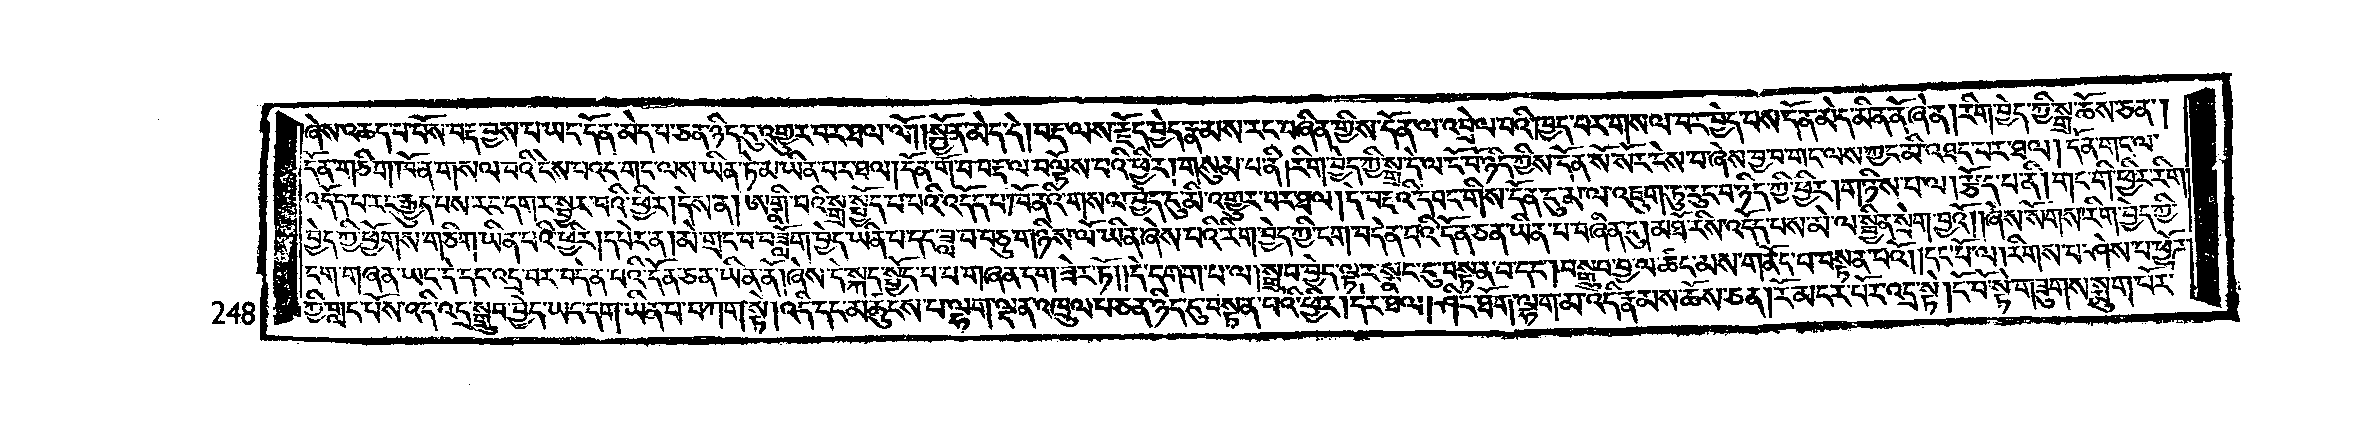ཞེས་འཆད་པ་པོས་བརྡ་བྱས་པ་ཡང་དོན་མེད་པ་ཅན་ཉིད་དུ་འགྱུར་བར་ཐལ་ལོ། །སྐྱོན་མེད་དེ། བརྡ་ལས་རྗོད་བྱེད་རྣམས་རང་བཞིན་གྱིས་དོན་ལ་འབྲེལ་བའི་ཁྱད་པར་གསལ་བར་བྱེད་པས་དོན་མེད་མིན་ནོ་ཞེ་ན། རིག་བྱེད་ཀྱི་སྒྲ་ཆོས་ཅན།
དོན་གཅིག་ཁོ་ན་གསལ་བའི་ངེས་པའང་གང་ལས་ཡིན་ཏེ་མ་ཡིན་པར་ཐལ། དོན་གོ་བ་བརྡ་ལ་བལྟོས་པའི་ཕྱིར། གསུམ་པ་ནི། རིག་བྱེད་ཀྱི་སྒྲ་དེ་ལ་ངོ་བོ་ཉིད་ཀྱིས་དོན་སོ་སོར་ངེས་པ་ཞེས་བྱ་བ་གང་ལས་ཀྱང་མི་འཐད་པར་ཐལ། དོན་གང་ལ་
འདོད་པ་རང་རྒྱུད་པས་རང་དགར་སྦྱར་བའི་ཕྱིར། དེས་ན། ཨགནི་བའི་སྒྲ་སྤྱོད་པ་པའི་འདོད་པ་ཁོ་ནའི་གསལ་བྱེད་དུ་མི་འགྱུར་བར་ཐལ། དེ་བརྡའི་དབང་གིས་དོན་དུ་མ་ལ་འཇུག་ཏུ་རུང་བ་ཉིད་ཀྱི་ཕྱིར། གཉིས་པ་ལ། རྩོད་པ་ནི། གང་གི་ཕྱིར་རིག་
བྱེད་ཀྱི་ཕྱོགས་གཅིག་ཡིན་པའི་ཕྱིར། དཔེར་ན། མེ་གྲང་བ་བཟློག་བྱེད་ཡིན་པ་དང་ཟླ་བ་བཅུ་གཉིས་ལོ་ཡིན་ཞེས་པའི་རིག་བྱེད་ཀྱི་ངག་བདེན་པའི་དོན་ཅན་ཡིན་པ་བཞིན་དུ། མཐོ་རིས་འདོད་པས་མེ་ལ་སྦྱིན་སྲེག་བྱའོ། །ཞེས་སོགས་རིག་བྱེད་ཀྱི་
དག་གཞན་ཡང་དེ་དང་འདྲ་བར་བདེན་པའི་དོན་ཅན་ཡིན་ནོ། ཞེས་དེ་སྐད་སྤྱོད་པ་པ་གཞན་དག་ཟེར་ཏོ། །དེ་དགག་པ་ལ། སྒྲུབ་བྱེད་ལྟར་སྣང་དུ་བསྟན་པ་དང་། བསྒྲུབ་བྱ་ལ་ཚད་མས་གནོད་པ་བསྟན་པའོ། །དང་པོ་ལ། རིགས་པ་ཤེས་པ་ཕྱོཌ་
ཀྱི་གླང་པོས་འདི་འདྲ་སྒྲུབ་བྱེད་ཡང་དག་ཡིན་པ་བཀག་སྟེ། འདི་དང་མཚུངས་པ་ལྷག་ལྡན་འཁྲུལ་པ་ཅན་ཉིད་དུ་བསྟན་པའི་ཕྱིར། དེར་ཐལ། ཤིང་ཐོག་ལྷག་མ་འདི་རྣམས་ཆོས་ཅན། རོ་མངར་པོར་འདྲ་སྟེ། ངོ་བོ་སྟེ་གཟུགས་སྨུག་པོར་